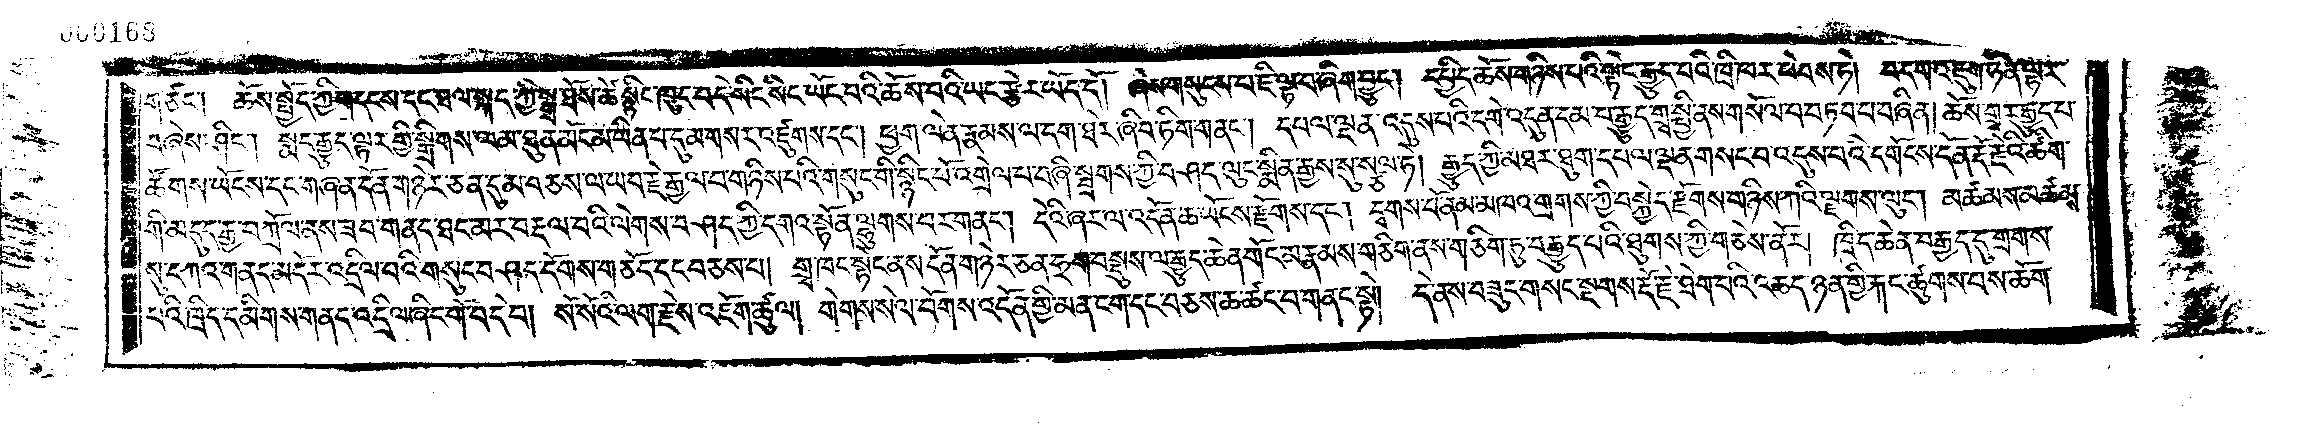གཙང་། ཆོས་སྤྱོད་ཀྱི་གདངས་དང་ཐལ་སྐད་ཀྱི་སྒྲ་ཐོས་ཚེ་སྙིང་ཁུང་བདེ་སིང་སིང་ཡོང་བའི་ཆོས་པའི་ཡང་རྩེར་ཡོད་དོ། ཞེས་གསུངས་པ་ཇི་ལྟ་བ་ཞིག་བྱུང་། དཔྱིད་ཆོས་གཉིས་པའི་སྟེང་རྒྱུད་པའི་ཁྲི་ཁར་ཕེབས་ཏེ། བདག་འཇུག་ཉིན་ལྟར་
བཞེས་ཤིང་། སྨད་རྒྱུད་ལྟར་གྱི་སྒྲིགས་ལམ་ཐུན་མོང་མ་ཡིན་པ་དུ་མ་གསར་འཛུགས་དང་། ཕྱག་ལེན་རྣམས་ལ་དག་ཐེར་ཞིབ་ཏིག་གནང་། དཔལ་ལྡན་འདུས་པའི་དགེ་འདུན་དམ་པ་རྒྱུད་གྲྭ་སྤྱི་ནས་གསོལ་བ་བཏབ་པ་བཞིན། ཆོས་གྲྭར་རྒྱུད་པ་
ཆོགས་ཡོངས་དང་གཞན་དོན་གཉེར་ཅན་དུ་མ་བཅས་ལ་ཡབ་རྗེ་རྒྱལ་བ་གཉིས་པའི་གསུང་གི་སྙིང་པོ་འགྲེལ་པ་བཞི་སྦྲགས་ཀྱི་བཤད་ལུང་སྨིན་རྒྱས་སུ་སྩལ་ཏེ། རྒྱུད་ཀྱི་མཐར་ཐུག་དཔལ་ལྡན་གསང་བ་འདུས་པའི་དགོངས་དོན་རྡོ་རྗེའི་ཚིག་
གི་མདུད་རྒྱ་བཀྲོལ་ནས་ཟབ་གནད་ཐང་མར་བརྡལ་བའི་ལེགས་བཤད་ཀྱི་དགའ་སྟོན་ལྷུགས་པར་གནང་། དེའི་ཞར་ལ་འདོན་ཆ་ཡོངས་རྫོགས་དང་། དྭགས་བོ་ནམ་མཁའ་གྲགས་ཀྱི་བསྐྱེད་རྫོགས་གཉིས་ཀའི་ལྗགས་ལུང་། མཚམས་མཚམས་
སུ་དཀའ་གནད་མདོར་འདྲིལ་བའི་གསུང་བཤད་དོགས་གཅོད་དང་བཅས་པ། གྲྭ་ཁང་སྟེང་ནས་དོན་གཉེར་ཅན་ཧྲག་བསྡུས་ལ་རྒྱུད་ཆེན་གོང་མ་རྣམས་གཅིག་ནས་གཅིག་ཏུ་བརྒྱུད་པའི་ཐུགས་ཀྱི་གཅེས་ནོར། ཁྲིད་ཆེན་བརྒྱད་དུ་གྲགས་
པའི་ཁྲིད་དམིགས་གནད་འདྲིལ་ཞིང་གོ་བདེ་བ། སོ་སོའི་ལག་རྗེས་འཇོག་ཚུལ། གེགས་སེལ་བོགས་འདོན་གྱི་མན་ངག་དང་བཅས་ཆ་ཚང་བ་གནང་སྟེ། དེ་ནས་བཟུང་གསང་སྔགས་རྡོ་རྗེ་ཐེག་པའི་འཆད་ཉན་གྱི་རྐང་ཚུགས་པས་ཆོག་